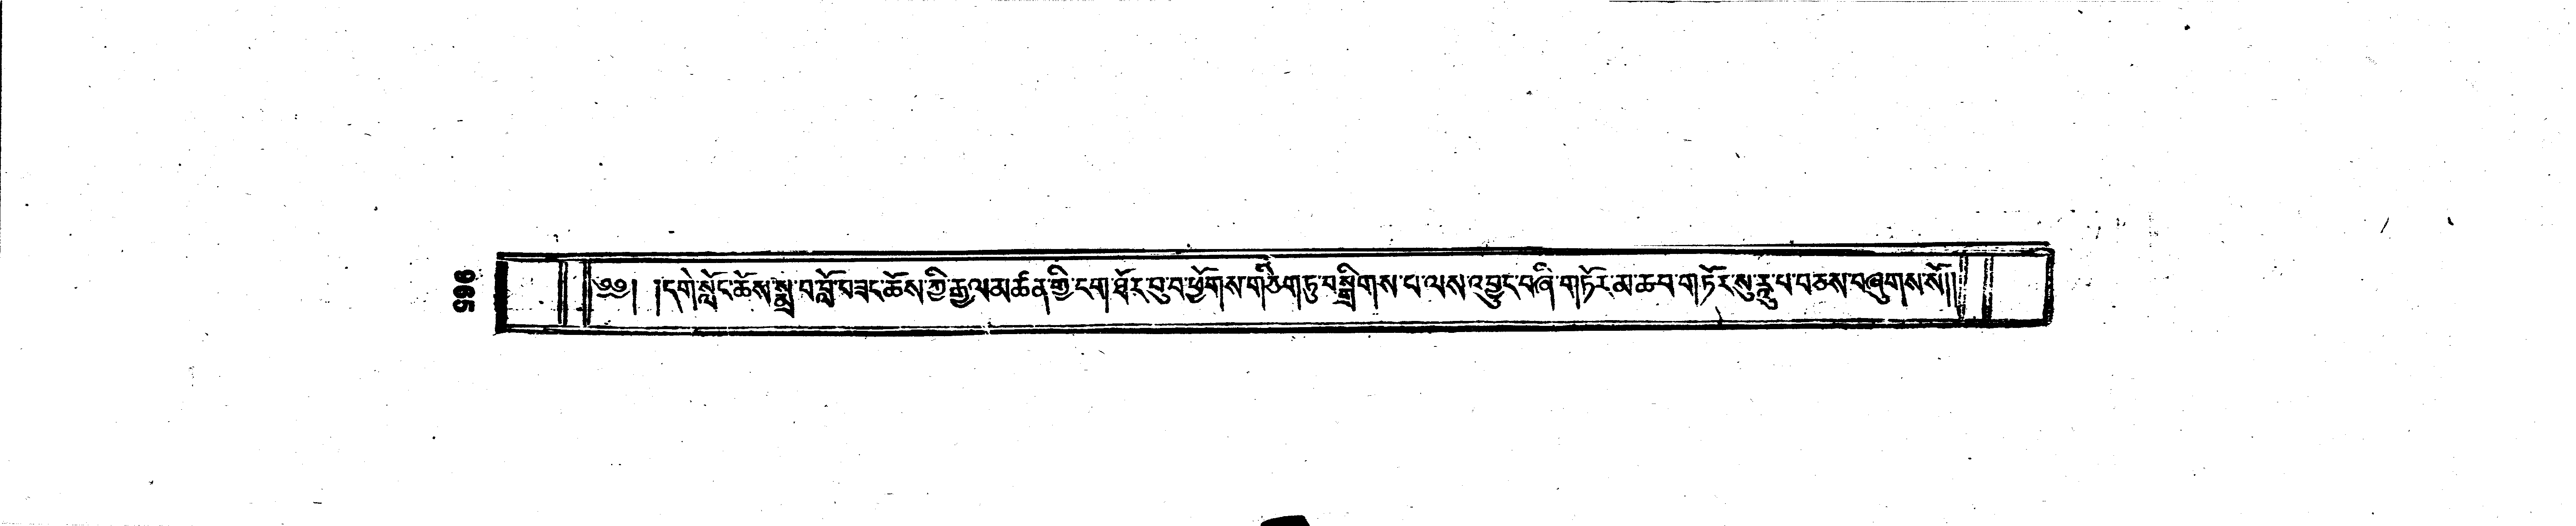༄༅། །དགེ་སློང་ཆོས་སྨྲ་བ་བློ་བཟང་ཆོས་ཀྱི་རྒྱལ་མཚན་གྱི་ངག་ཐོར་བུ་བ་ཕྱོགས་གཅིག་ཏུ་བསྒྲིགས་པ་ལས་འབྱུང་བཞི་གཏོར་མ་ཆབ་གཏོར་སུ་རཱུ་པ་བཅས་བཞུགས་སོ།།